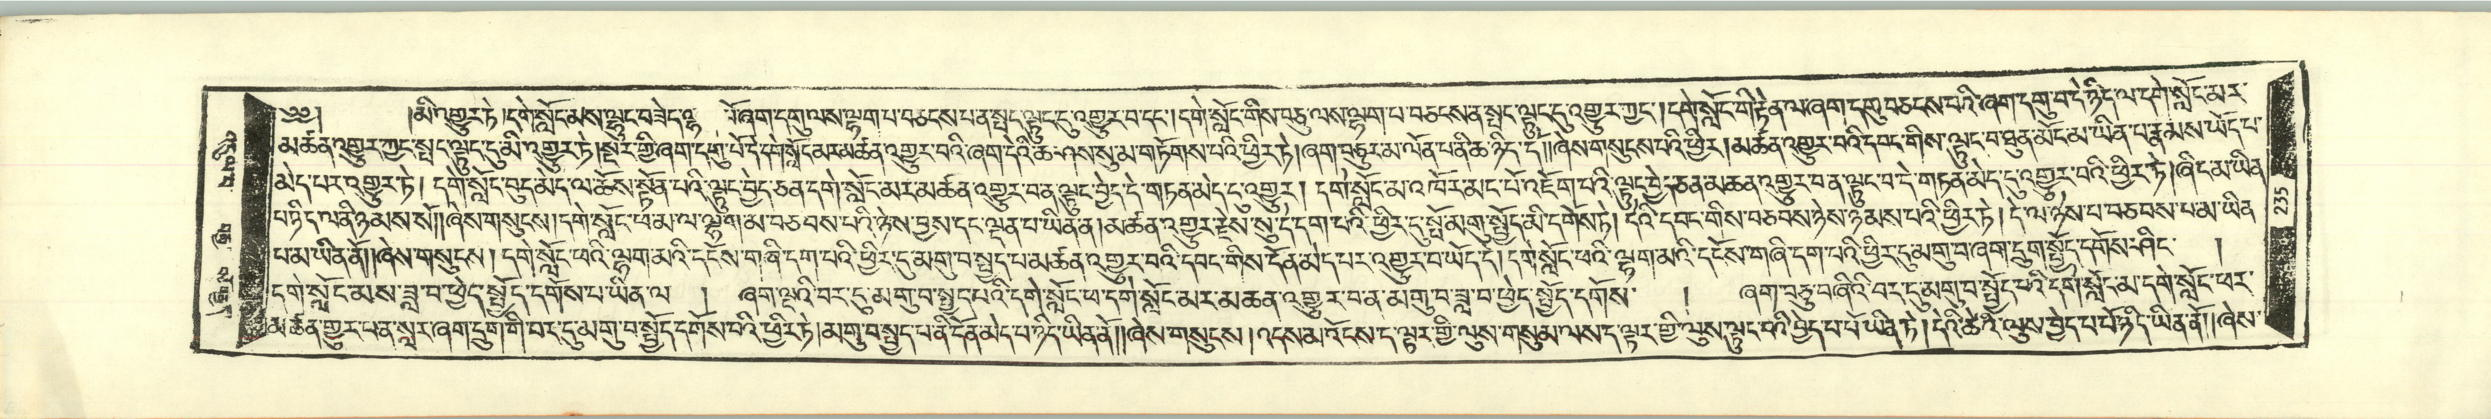༄༅། །མི་འགྱུར་ཏེ། དགེ་སློང་མས་ལྷུང་བཟེད་ལྷག་པོ་ཞག་དགུ་ལས་ལྷག་པ་བཅངས་པ་ན་སྤང་ལྟུང་དུ་འགྱུར་བ་དང་། དགེ་སློང་གིས་བཅུ་ལས་ལྷག་པ་བཅངས་ན་སྤང་ལྟུང་དུ་འགྱུར་ཀྱང་། དགེ་སློང་གི་རྟེན་ལ་ཞག་དགུ་བཅངས་པའི་ཞག་དགུ་བ་དེ་ཉིད་ལ་དགེ་སློང་མར་
མཚན་འགྱུར་ཀྱང་སྤང་ལྟུང་དུ་མི་འགྱུར་ཏེ། སྔར་གྱི་ཞག་དགུ་པོ་དེ་དགེ་སློང་མར་མཚན་འགྱུར་བའི་ཞག་དེའི་ཆ་ཤས་སུ་མ་གཏོགས་པའི་ཕྱིར་ཏེ། ཞག་བཅུར་མ་ལོན་པ་ནི་ཆ་ཉིད་དོ། །ཞེས་གསུངས་པའི་ཕྱིར། མཚན་འགྱུར་བའི་དབང་གིས་ལྟུང་བ་ཐུན་མོང་མ་ཡིན་པ་རྣམས་ཡོད་པ་
མེད་པར་འགྱུར་ཏེ། དགེ་སློང་བུད་མེད་ལ་ཆོས་སྟོན་པའི་ལྟུང་བྱེད་ཅན་དགེ་སློང་མར་མཚན་འགྱུར་བ་ན་ལྟུང་བྱེད་དེ་གཏན་མེད་དུ་འགྱུར། དགེ་སློང་མ་འཁོར་མང་པོ་འཇོག་པའི་ལྟུང་བྱེད་ཅན་མཆན་འགྱུར་བ་ན་ལྟུང་བ་དེ་གཏན་མེད་དུ་འགྱུར་བའི་ཕྱིར་ཏེ། ཞིང་མ་ཡིན་
པ་ཉིད་ལ་ནི་ཉམས་སོ། །ཞེས་གསུངས། དགེ་སློང་ཕ་མ་ལ་ལྷག་མ་བཅབས་པའི་ཉེས་བྱས་དང་ལྡན་པ་ཡིན་ན། མཚན་འགྱུར་རྗེས་སུ་དེ་དག་པའི་ཕྱིར་དུ་སྤོ་མགུ་སྤྱོད་མི་དགོས་ཏེ། དེའི་དབང་གིས་བཅབས་ཉེས་ཉམས་པའི་ཕྱིར་ཏེ། དེ་ལ་ཉེས་པ་བཅབས་པ་མ་ཡིན་
པ་མ་ཡིན་ནོ། །ཞེས་གསུངས། དགེ་སློང་ཕའི་ལྷག་མའི་དངོས་གཞི་དག་པའི་ཕྱིར་དུ་མགུ་བ་སྤྱད་པ་མཚན་འགྱུར་བའི་དབང་གིས་དོན་མེད་པར་འགྱུར་བ་ཡོད་དེ། དགེ་སློང་ཕའི་ལྷག་མའི་དངོས་གཞི་དག་པའི་ཕྱིར་དུ་མགུ་བ་ཞག་དྲུག་སྤྱོད་དགོས་ཤིང་།
དགེ་སློང་མས་ཟླ་བ་ཕྱེད་སྤྱོད་དགོས་པ་ཡིན་ལ། ཞག་ལྔའི་བར་དུ་མགུ་བ་སྤྱད་པའི་དགེ་སློང་ཕ་དགེ་སློང་མར་མཆན་འགྱུར་བ་ན་མགུ་བ་ཟླ་བ་ཕྱེད་སྤྱོད་དགོས་།ཞག་བཅུ་བཞིའི་བར་དུ་མགུ་བ་སྤྱོད་པའི་དགེ་སློང་མ་དགེ་སློང་ཕར་
མཚན་གྱུར་པ་ན་སླར་ཞག་དྲུག་གི་བར་དུ་མགུ་བ་སྤྱོད་དགོས་པའི་ཕྱིར་ཏེ། མགུ་བ་སྤྱད་པ་ནི་དོན་མེད་པ་ཉིད་ཡིན་ནོ། །ཞེས་གསུངས། འདས་མ་འོངས་ད་ལྟར་གྱི་ལུས་གསུམ་ལས་ད་ལྟར་གྱི་ལུས་ལྟུང་བའི་བྱེད་པ་པོ་ཡིན་ཏེ། དེའི་ཚེའི་ལུས་བྱེད་པ་པོ་ཉིད་ཡིན་ནོ། །ཞེས་